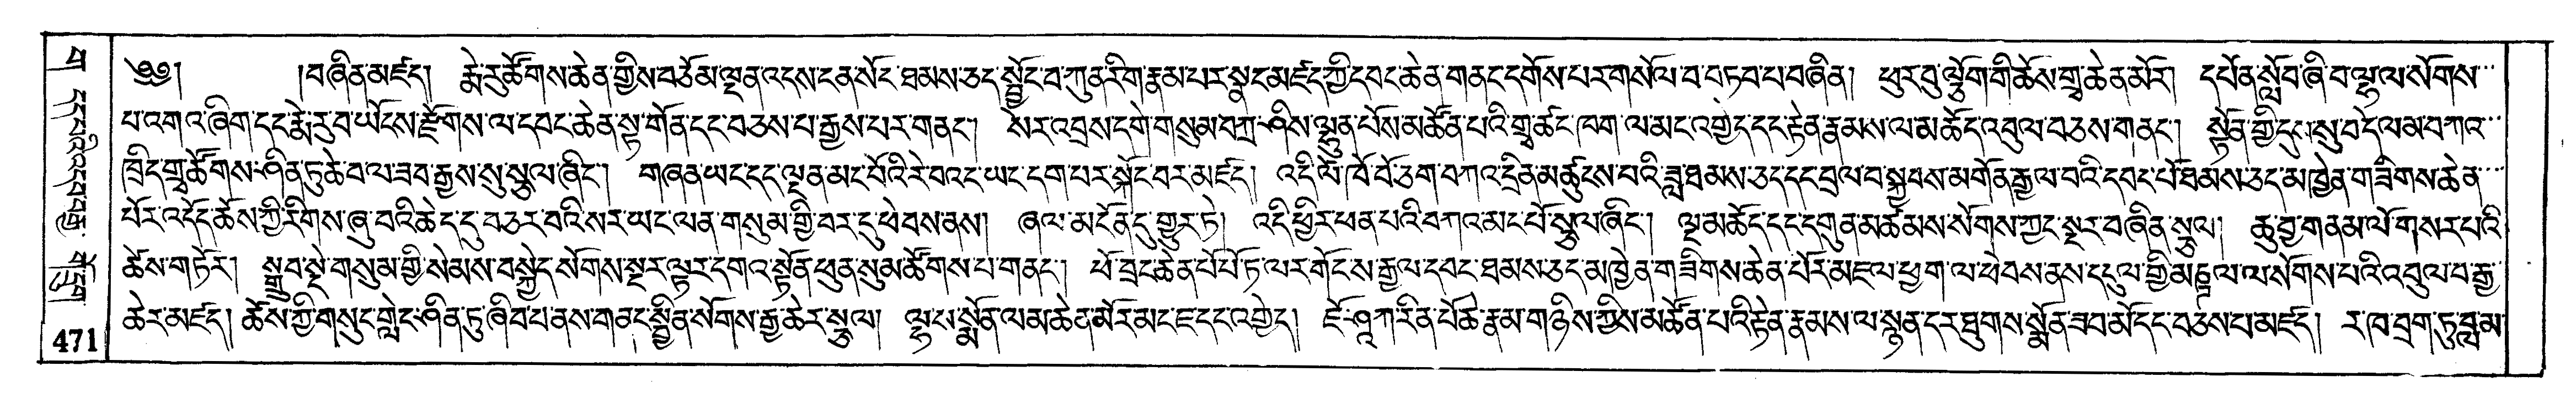༄༅། །བཞིན་མཛད། རྨེ་རུ་ཚོགས་ཆེན་གྱིས་བཅོམ་ལྡན་འདས་ངན་སོང་ཐམས་ཅད་སྦྱོད་བ་ཀུན་རིག་རྣམ་པར་སྣང་མཛད་ཀྱི་དབང་ཆེན་གནང་དགོས་པར་གསོལ་བ་བཏབ་བ་བཞིན། ཕུར་བུ་ལྕོག་གི་ཆོས་གྲྭ་ཆེན་མོར། དཔོན་སློབ་ཞིབ་ལྷ་ལ་སོགས་
པ་འགའ་ཞིག་དང་རྨེ་རུ་བ་ཡོངས་རྫོགས་ལ་དབང་ཆེན་སྟ་གོན་དང་བཅས་པ་རྒྱས་བར་གནང་། སོར་འབྲས་དགེ་གསུམ་བཀྲ་ཤིས་ལྷུན་བོས་མཚོན་པའི་གྲྭ་ཚང་ཁག་ལ་མང་འགྱེད་དང་རྟེན་རྣམས་ལ་མཆོད་འབུལ་བཅས་གནང་། སྟོན་གྱི་དུས་སུ་བདེ་ལམ་བཀའ་
ཁྲིད་གྲྭ་ཚོགས་ཤིན་ཏུ་ཆེ་བ་ལ་ཟབ་རྒྱས་སུ་སྩལ་ཞིང་། གཞན་ཡང་དད་ལྡན་མང་པོའི་རེ་བའང་ཡང་དག་པར་སྐོང་བར་མཛད། འདི་ལོ་ཁོ་བོ་ཅག་བཀའ་དྲིན་མཚུངས་པའི་ཟླ་ཐམས་ཅད་དང་བྲལ་བསྐྱབས་མགོན་རྒྱལ་བའི་དབང་པོ་ཐམས་ཅད་མཁྱེན་གཟིགས་ཆེན་
པོར་འདོད་ཆོས་ཀྱི་རིགས་ཞུ་བའི་ཆེད་དུ་བཅར་བའི་སར་ཡང་ལན་གསུམ་གྱི་བར་དུ་ཕེབས་ནས། ཞལ་མངོན་དུ་གྱུར་ཏེ། འདི་ཕྱིར་ཕན་པའི་བཀའ་མང་པོ་སྩལ་ཞིང་། ལྔ་མཆོད་དང་དགུན་མཚམས་སོགས་ཀྱང་སྔར་བཞིན་སྩལ། ཆུ་བྱ་གནམ་ལོ་གསར་བའི་
ཚེས་གཏོར། སྒྲུབ་སྡེ་གསུམ་གྱི་སེམས་བསྐྱེད་སོགས་སྔར་ལྟར་དགའ་སྟོན་ཕུན་སུམ་ཚོགས་པ་གནང་། ཕོ་བྲང་ཆེན་པོ་པོ་ཏ་ལར་གོང་ས་རྒྱལ་དབང་ཐམས་ཅད་མཁྱེན་གཟིགས་ཆེན་པོར་མཇལ་ཕྱག་ལ་ཕེབས་ནས་དངུལ་གྱི་མཎྜལ་ལ་སོགས་པའི་འབུལ་བ་རྒྱ་
ཆེར་མཛད། ཆོས་ཀྱི་གསུང་གླེང་ཤིན་ཏུ་ཞིབ་པ་ནས་གནང་སྦྱིན་སོགས་རྒྱ་ཆེར་སྩལ། ལྟས་སྨོན་ལམ་ཆེན་མོར་མང་ཇ་དང་འགྱེད། ཇོ་ཤཱཀ་རིན་པོ་ཆེ་རྣམ་གཉིས་ཀྱིས་མཚོན་པའི་རྟེན་རྣམས་ལ་སྙན་དར་ཐུགས་སྨོན་ཟབ་མོ་དང་བཅས་པ་མཛད། ར་ཁ་བྲག་ཏུ་བླ་མ་